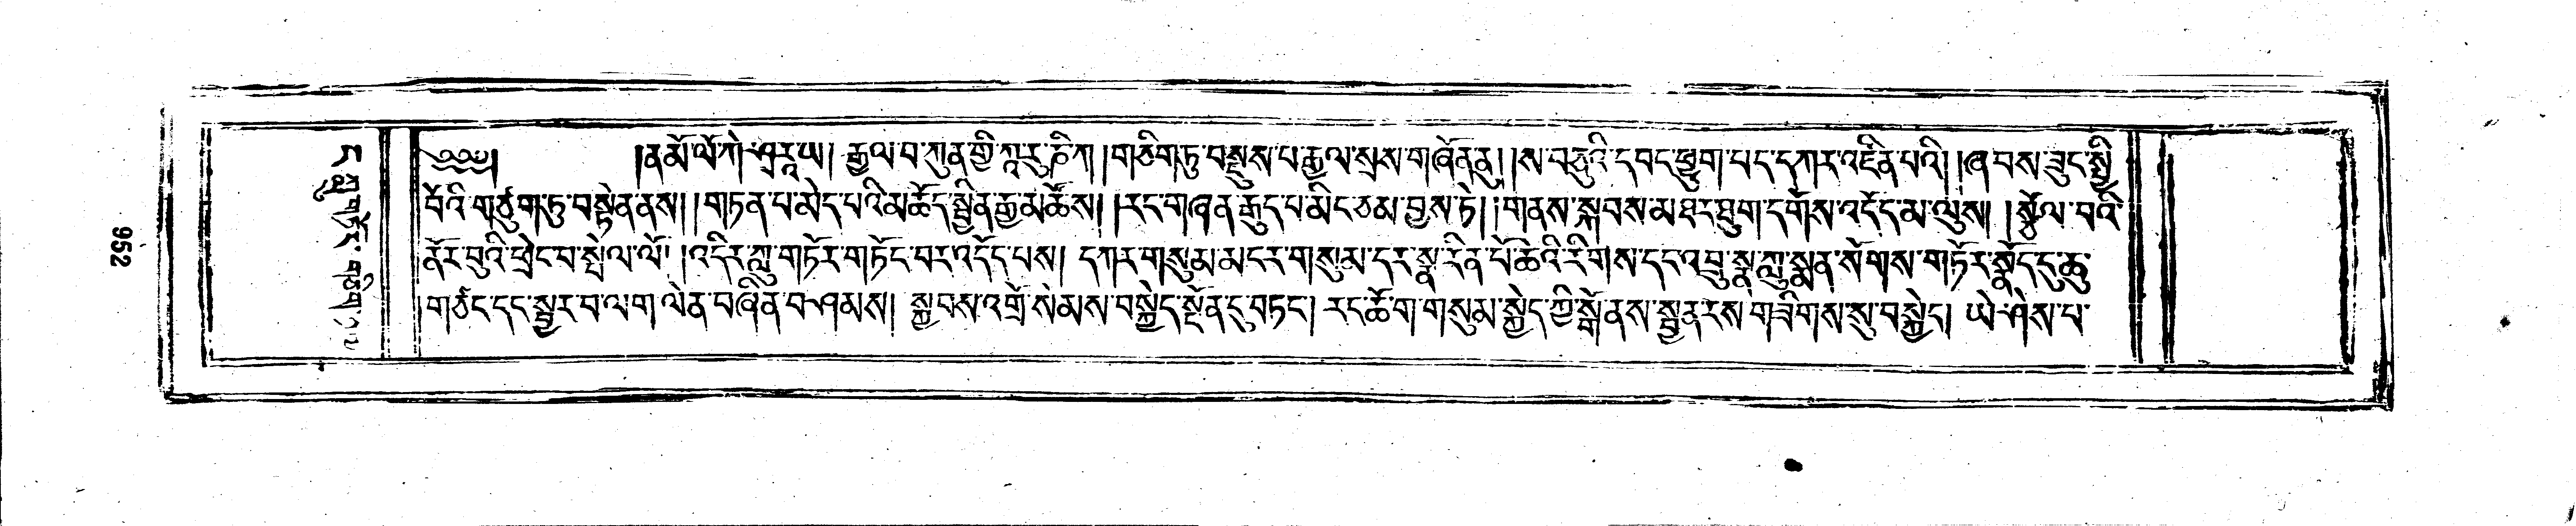༄༅༅། །ན་མོ་ལོ་ཀེ་ཤྭ་རཱ་ཡ། རྒྱལ་བ་ཀུན་གྱི་ཀཱ་རུ་ཎི་ཀ །གཅིག་ཏུ་བསྡུས་པ་རྒྱལ་སྲས་གཞོན་ནུ། །ས་བཅུའི་དབང་ཕྱུག་པད་དཀར་འཛིན་པའི། །ཞབས་ཟུང་སྤྱི་
བོའི་གཙུག་ཏུ་བསྟེན་ནས། །གཏན་པ་མེད་པའི་མཆོད་སྦྱིན་རྒྱ་མཚོས། །རང་གཞན་རྒུད་པ་མིང་ཙམ་བྱས་ཏེ། །གནས་སྐབས་མཐར་ཐུག་དགོས་འདོད་མ་ལུས། །སྩོལ་བའི་
ནོར་བུའི་ཕྲེང་བ་སྤེལ་ལོ། །འདིར་ཀླུ་གཏོར་གཏོང་བར་འདོད་པས། དཀར་གསུམ་མངར་གསུམ་དར་སྣ་རིན་པོ་ཆེའི་རིགས་དང་འབྲུ་སྣ་ཀླུ་སྨན་སོགས་གཏོར་སྣོད་དུ་ཆུ་
གཙང་དང་སྦྱར་བ་ལག་ལེན་བཞིན་བཤམས། སྐྱབས་འགྲོ་སེམས་བསྐྱེད་སྔོན་དུ་བཏང་། རང་ཆོ་ག་གསུམ་སྐྱེད་ཀྱི་སྒོ་ནས་སྤྱན་རས་གཟིགས་སུ་བསྐྱེད། ཡེ་ཤེས་པ་